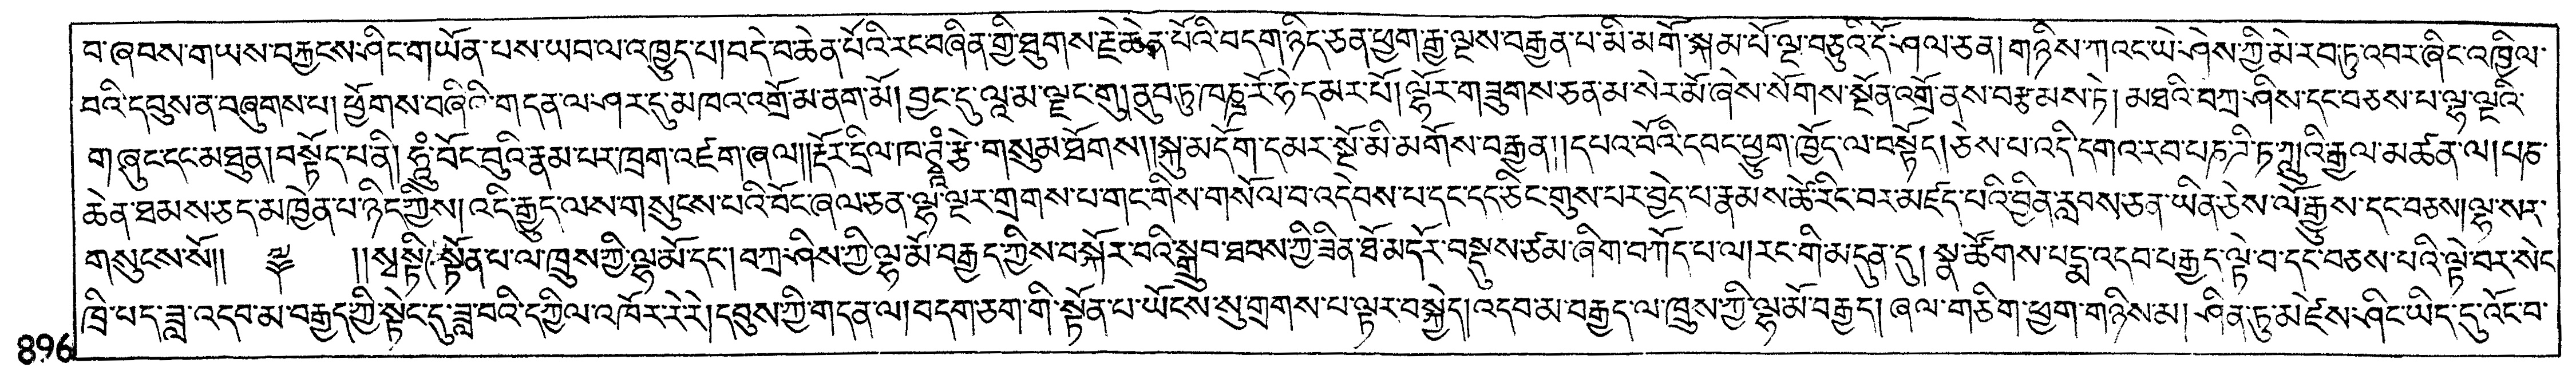བ་ཞབས་གཡས་བརྐྱངས་ཤིང་གཡོན་པས་ཡབ་ལ་འཁྱུད་པ། བདེ་བ་ཆེན་པོའི་རང་བཞིན་གྱི་ཐུགས་རྗེ་ཆེན་པོའི་བདག་ཉིད་ཅན་ཕྱག་རྒྱ་ལྔས་བརྒྱན་པ་མི་མགོ་སྐམ་པོ་ལྔ་བཅུའི་དོ་ཤལ་ཅན། གཉིས་ཀའང་ཡེ་ཤེས་ཀྱི་མེ་རབ་ཏུ་འབར་ཞིང་འཁྱིལ་
བའི་དབུས་ན་བཞུགས་པ། ཕྱོགས་བཞིའི་གདན་ལ་ཤར་དུ་མཁའ་འགྲོ་མ་ནག་མོ། བྱང་དུ་ལཱ་མ་ལྗང་གུ །ནུབ་ཏུ་ཁཎྜ་རོ་ཧེ་དམར་པོ། ལྷོར་གཟུགས་ཅན་མ་སེར་མོ་ཞེས་སོགས་སྔོན་འགྲོ་ནས་བརྩམས་ཏེ། མཐའི་བཀྲ་ཤིས་དང་བཅས་པ་ལྷ་ལྔའི་
གཞུང་དང་མཐུན། བསྟོད་པ་ནི། ཧཱུཾ་བོང་བུའི་རྣམ་པར་ཁྲག་འཛག་ཞལ། །རྡོར་དྲིལ་ཁ་ཊྭཱཾ་རྩེ་གསུམ་ཐོགས། །སྐུ་མདོག་དམར་སྔོ་མི་མགོས་བརྒྱན། །དཔའ་བོའི་དབང་ཕྱུག་ཁྱོད་ལ་བསྟོད། ཅེས་པ་འདི་དགའ་རབ་པཎ་ཌི་ཏ་ཀླུའི་རྒྱལ་མཚན་ལ། པཎ་
ཆེན་ཐམས་ཅད་མཁྱེན་པ་ཉིད་ཀྱིས། འདི་རྒྱུད་ལས་གསུངས་པའི་བོང་ཞལ་ཅན་ལྷ་ལྔར་གྲགས་པ་གང་གིས་གསོལ་བ་འདེབས་པ་དང་དད་ཅིང་གུས་པར་བྱེད་པ་རྣམས་ཚེ་རིང་བར་མཛད་པའི་བྱིན་རླབས་ཅན་ཡིན་ཅེས་ལོ་རྒྱུས་དང་བཅས། ལྷ་སར་
གསུངས་སོ།། ༈ །།སྭསྟི༑ སྟོན་པ་ལ་ཁྲུས་ཀྱི་ལྷ་མོ་དང་། བཀྲ་ཤིས་ཀྱི་ལྷ་མོ་བརྒྱད་ཀྱིས་བསྐོར་བའི་སྒྲུབ་ཐབས་ཀྱི་ཟིན་ཐོ་མདོར་བསྡུས་ཙམ་ཞིག་བཀོད་པ་ལ། རང་གི་མདུན་དུ། སྣ་ཚོགས་པདམ་འདབ་བརྒྱད་ལྟེ་བ་དང་བཅས་པའི་ལྟེ་བར་སེང་
ཁྲི་པད་ཟླ་འདབ་མ་བརྒྱད་ཀྱི་སྟེང་དུ་ཟླ་བའི་དཀྱིལ་འཁོར་རེ་རེ། དབུས་ཀྱི་གདན་ལ། བདག་ཅག་གི་སྟོན་པ་ཡོངས་སུ་གྲགས་པ་ལྟར་བསྐྱེད། འདབ་མ་བརྒྱད་ལ་ཁྲུས་ཀྱི་ལྷ་མོ་བརྒྱད། ཞལ་གཅིག་ཕྱག་གཉིས་མ། ཤིན་ཏུ་མཛེས་ཤིང་ཡིད་དུ་འོང་བ་